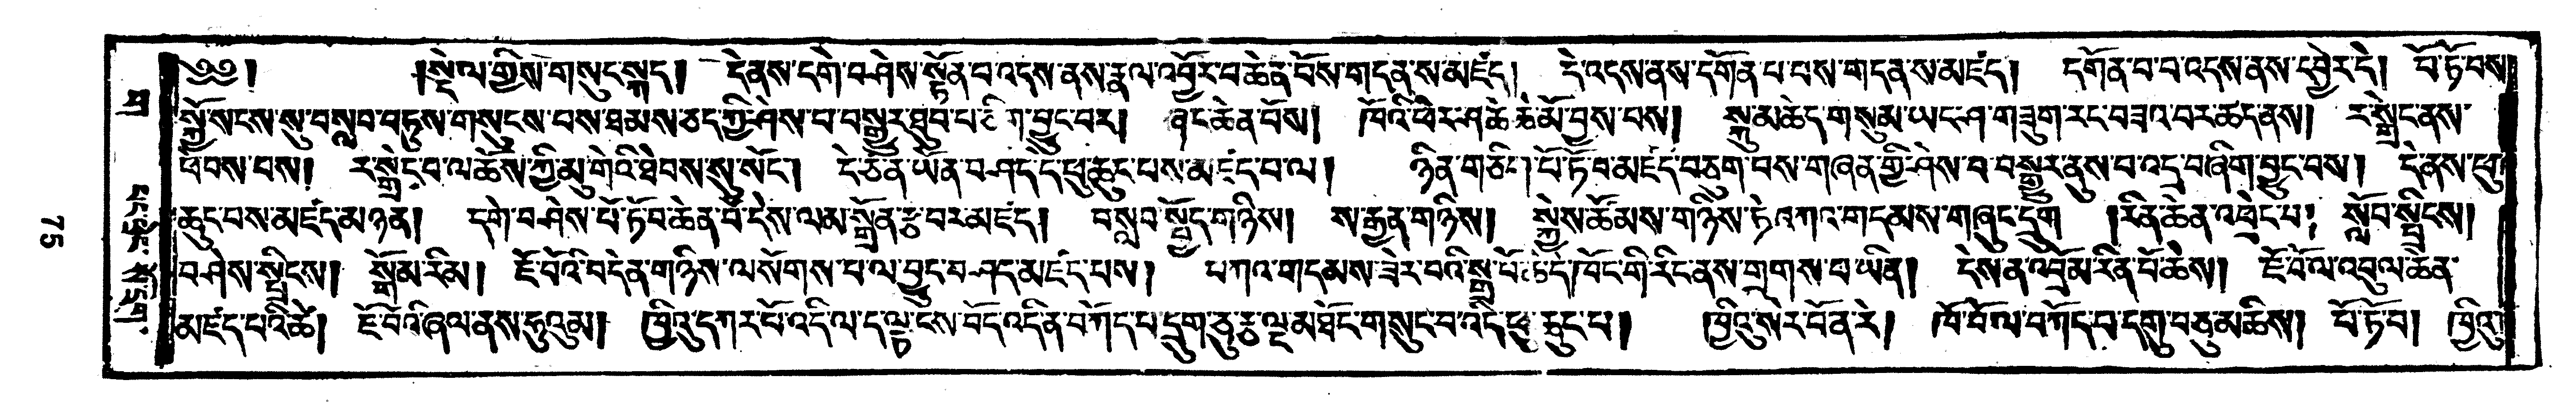༄༅། །སྡེ་ལ་གྱིས་གསུང་སྐད། དེ་ནས་དགེ་བཤེས་སྟོན་པ་འདས་ནས་རྣལ་འབྱོར་པ་ཆེན་པོས་གདན་ས་མཛད། དེ་འདས་ནས་དགོན་པ་བས་གདན་ས་མཛད། དགོན་པ་བ་འདས་ནས་དབྱེར་དེ། བོ་ཏོ་བས་
སྐྱོ་སངས་རྒྱས་བསླབ་བཏུས་གསུངས་པས་ཐམས་ཅད་ཀྱི་ཤེས་པ་བསྒྱུར་ཐུབ་པ་ཅིག་བྱུང་བར། ཞང་ཆེན་པོས། ཁོའི་ཕྱིར་ཤ་ཆེ་ཆེ་མོ་བྱས་པས། སྐུ་མཆེད་གསུམ་ཡང་ཤ་གཟུག་རང་བཟའ་བར་ཚད་ནས། ར་སྒྲེང་ནས་
ཕེབས་བས། ར་སྒྲེང་བ་ལ་ཆོས་ཀྱི་མུ་གེའི་ཐེབས་སུ་སོང་། དེ་ཙ་ན་ཡོན་བཤད་དེ་ཕུ་ཆུང་བས་མཛད་པ་ལ། ཉིན་གཅིག་པོ་ཏོ་བ་མཛད་བཅུག་པས་གཞན་གྱི་ཤེས་བ་བསྒྱུར་ནུས་པ་འདྲ་བ་ཞིག་བྱུང་བས། དེ་ནས་ཕུ་
ཆུང་བས་མཛད་མཉན། དགེ་བཤེས་པོ་ཏོ་བ་ཆེན་པོ་དེས་ལམ་སྒྲོན་རྩ་བར་མཛད། བསླབ་སྤྱོད་གཉིས། ས་རྒྱན་གཉིས། སྐྱེས་ཚོམས་གཉིས་ཏེ་བཀའ་གདམས་གཞུང་དྲུག །རིན་ཆེན་འཕྲེང་བ། སློབ་སྤྲིངས།
བཤེས་སྤྲིངས། སྒོམ་རིམ། ཇོ་བོའི་བདེན་གཉིས་ལ་སོགས་པ་ལ་བྱུང་བཤད་མཛད་པས། བཀའ་གདམས་ཟེར་བའི་སྒྲ་བོ་ཆེ་དེ་ཁོང་གི་རིང་ནས་གྲགས་པ་ཡིན། དེས་ན་འབྲོམ་རིན་པོ་ཆེས། ཇོ་བོ་ལ་འབུལ་ཆེན་
མཛད་པའི་ཚེ། ཇོ་བོའི་ཞལ་ནས་ཧུའུམ། ཁྱིའུ་དཀར་པོ་འདི་ལ་དེ་ལྟ་ངས་བོད་འདི་ན་བཀོད་པ་དྲུག་ཅུ་རྩ་ལྔ་མཐོང་གསུང་བ་འདི་ཕུ་ཆུང་པ། ཁྱིའུ་སེར་བོན་རེ། ཁོ་བོ་ལ་བཀོད་པ་དགུ་བཅུ་མཆིས། པོ་ཏོ་བ། ཁྱིའུ་